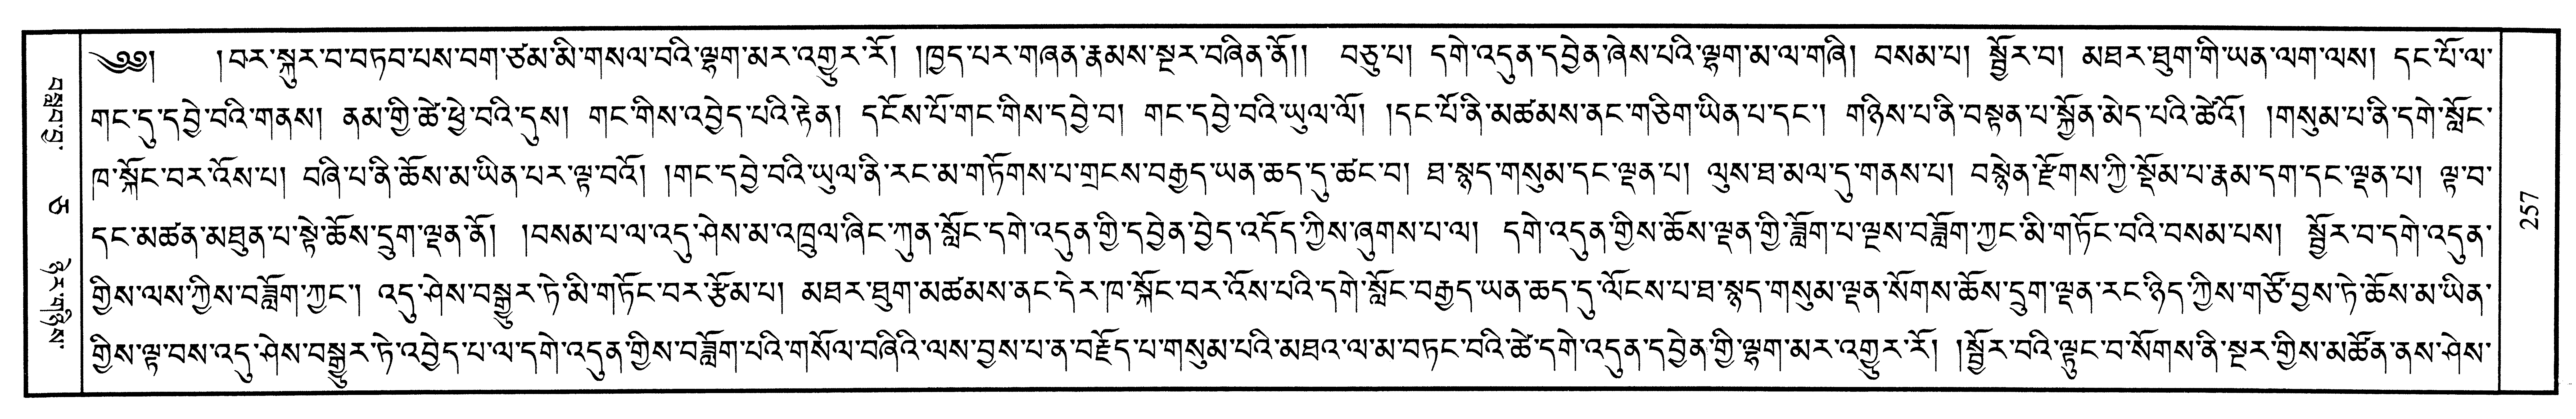༄༅། །བར་སྐུར་བ་བཏབ་པས་བག་ཙམ་མི་གསལ་བའི་ལྷག་མར་འགྱུར་རོ། །ཁྱད་པར་གཞན་རྣམས་སྔར་བཞིན་ནོ།། བཅུ་པ། དགེ་འདུན་དབྱེན་ཞེས་པའི་ལྷག་མ་ལ་གཞི། བསམ་པ། སྦྱོར་བ། མཐར་ཐུག་གི་ཡན་ལག་ལས། དང་པོ་ལ་
གང་དུ་དབྱེ་བའི་གནས། ནམ་གྱི་ཚེ་ཕྱེ་བའི་དུས། གང་གིས་འབྱེད་པའི་རྟེན། དངོས་པོ་གང་གིས་དབྱེ་བ། གང་དབྱེ་བའི་ཡུལ་ལོ། །དང་པོ་ནི་མཚམས་ནང་གཅིག་ཡིན་པ་དང་། གཉིས་པ་ནི་བསྟན་པ་སྐྱོན་མེད་པའི་ཚེའོ། །གསུམ་པ་ནི་དགེ་སློང་
ཁ་སྐོང་བར་འོས་པ། བཞི་པ་ནི་ཆོས་མ་ཡིན་པར་ལྟ་བའོ། །གང་དབྱེ་བའི་ཡུལ་ནི་རང་མ་གཏོགས་པ་གྲངས་བརྒྱད་ཡན་ཆད་དུ་ཚང་བ། ཐ་སྙད་གསུམ་དང་ལྡན་པ། ལུས་ཐ་མལ་དུ་གནས་པ། བསྙེན་རྫོགས་ཀྱི་སྡོམ་པ་རྣམ་དག་དང་ལྡན་པ། ལྟ་བ་
དང་མཚན་མཐུན་པ་སྟེ་ཆོས་དྲུག་ལྡན་ནོ། །བསམ་པ་ལ་འདུ་ཤེས་མ་འཁྲུལ་ཞིང་ཀུན་སློང་དགེ་འདུན་གྱི་དབྱེན་བྱེད་འདོད་ཀྱིས་ཞུགས་པ་ལ། དགེ་འདུན་གྱིས་ཆོས་ལྡན་གྱི་ཟློག་པ་ལྔས་བཟློག་ཀྱང་མི་གཏོང་བའི་བསམ་པས། སྦྱོར་བ་དགེ་འདུན་
གྱིས་ལས་ཀྱིས་བཟློག་ཀྱང་། འདུ་ཤེས་བསྒྱུར་ཏེ་མི་གཏོང་བར་རྩོམ་པ། མཐར་ཐུག་མཚམས་ནང་དེར་ཁ་སྐོང་བར་འོས་པའི་དགེ་སློང་བརྒྱད་ཡན་ཆད་དུ་ལོངས་པ་ཐ་སྙད་གསུམ་ལྡན་སོགས་ཆོས་དྲུག་ལྡན་རང་ཉིད་ཀྱིས་གཙོ་བྱས་ཏེ་ཆོས་མ་ཡིན་
གྱིས་ལྟ་བས་འདུ་ཤེས་བསྒྱུར་ཏེ་འབྱེད་པ་ལ་དགེ་འདུན་གྱིས་བཟློག་པའི་གསོལ་བཞིའི་ལས་བྱས་པ་ན་བརྗོད་པ་གསུམ་པའི་མཐའ་ལ་མ་བཏང་བའི་ཚེ་དགེ་འདུན་དབྱེན་གྱི་ལྷག་མར་འགྱུར་རོ། །སྦྱོར་བའི་ལྟུང་བ་སོགས་ནི་སྔར་གྱིས་མཚོན་ནས་ཤེས་